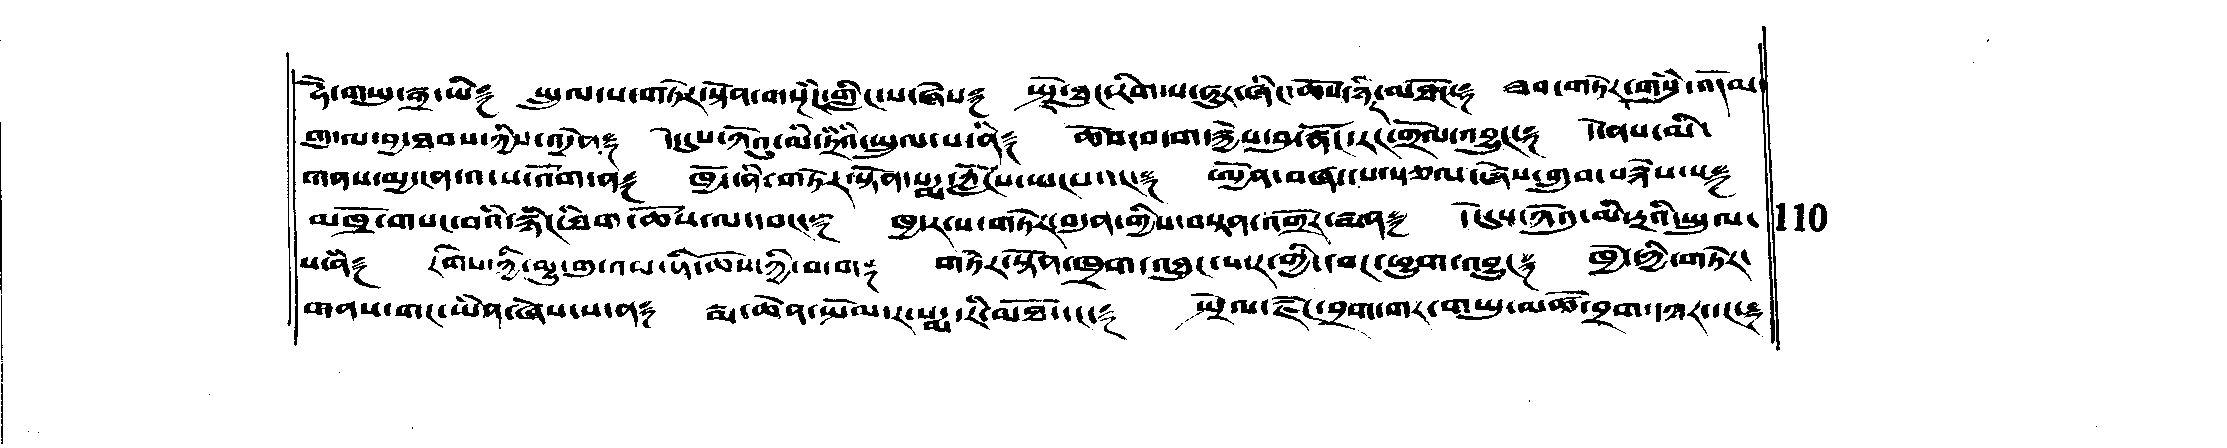རྡོ་རྗེ་གཡུ་སྒྲ་ཡི། །སྤྲུལ་པ་གཏེར་སྟོན་གསང་སྔགས་གླིང་པ་ཞེས། །སྤྲོ་ཐུང་རིག་པ་ཧུར་ཞིང་ཆོས་ཉིད་མཐོང་། །ཟབ་གཏེར་གསུམ་འདོམ་
གདུལ་བྱ་ཐབས་ཀྱིས་འདྲེན། །དེ་དུས་ཀོའུ་མི་ཏྲིའི་སྤྲུལ་པ་ནི། །ཆོས་བདག་སྐྱེས་བུ་སྣ་ཚོགས་རང་གྲོལ་འབྱུང་། །དེ་ནས་མི་
གནས་མྱ་ངན་འདས་འོག་ན། ཁྱོད་ནི་གཏེར་སྟོན་པདྨ་ཀློངས་ཡངས་དང་། །ཨོ་རྒྱན་བཞད་པ་རྩལ་ཞེས་གྲུབ་བརྙེས་པ། །
མཁའ་འགྲོ་གསང་བའི་སྙིང་ཐིག་ཆོས་ལ་དབང་། ཁྱད་པར་ས་གཏེར་བདུན་གྱིས་བསྟན་འགྲོར་སྨན། །དེ་དུས་ཀོའུ་མི་ཏྲའི་སྤྲུལ་
པ་ནི། །རིགས་ཀྱི་མྱུ་གུ་འམ་ནི་ཆོས་ཀྱི་བདག །གཏེར་སྟོན་ཁྲག་འཐུང་གར་གྱི་དབང་ཕྱུག་འབྱུང་། ཁྱོད་ཀྱི་གཏེར་
གནས་གང་ཡིན་ཞེས་པ་ན། །རྨ་ཆེན་སྤོམ་ར་པདྨ་རི་མཐོ་དང་། །སྤྲེལ་རྫོང་བྲག་དཀར་གཡུ་མཚོ་བྲག་དཀར་དང་།